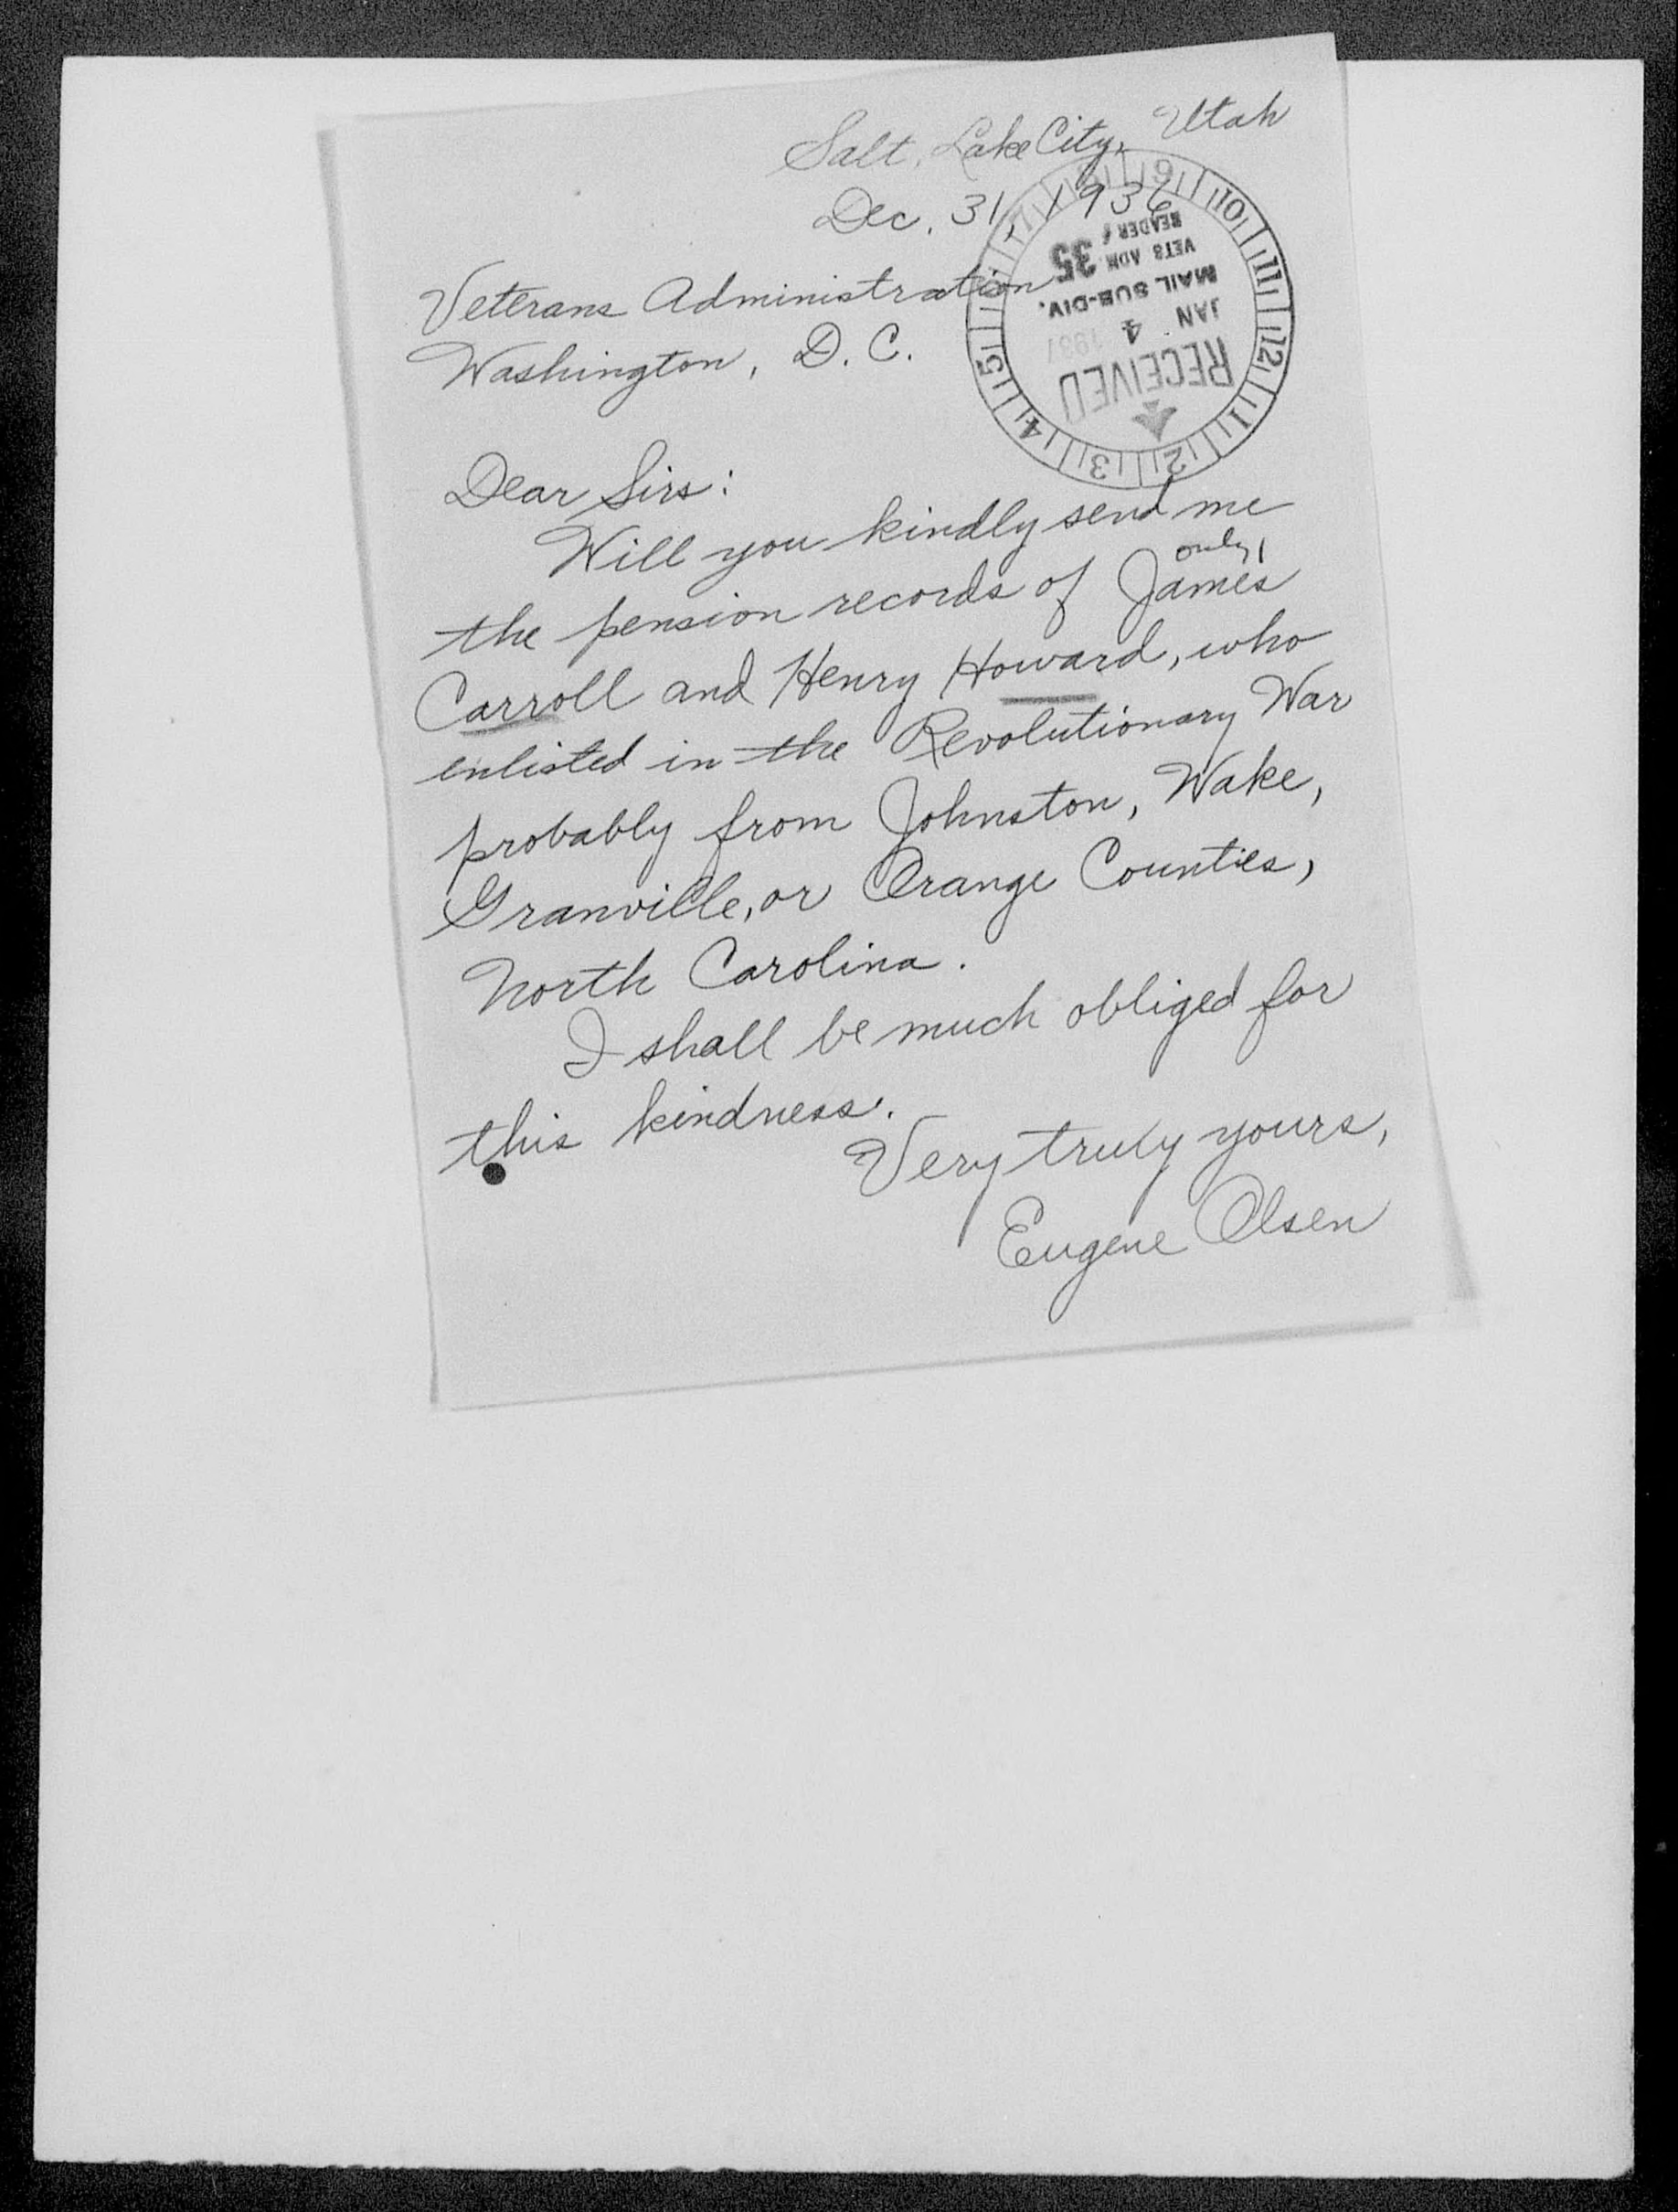Salt Lake City , Utah
Dec 31, 1936

Veterans Administration 
Washington DC

[stamped] 
Received 
Jan 4, 1937
Mail Sub Division Vets Adm
reader #35

Dear Sirs:
Will you kindly send me the pension records of James Carroll (only 1) and Henry Howard , who enlisted in the Revolutionary War probably from Johnston, Wake, Granville, or Orange Counties, North Carolina.

I shall be much obliged for this kindness.
Very truly yours
Eugene Olsen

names: Henry Howard, James Carroll, Eugene Olsen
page: 80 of 86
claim: widow's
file: W. 6899, James Carrell, N.C.